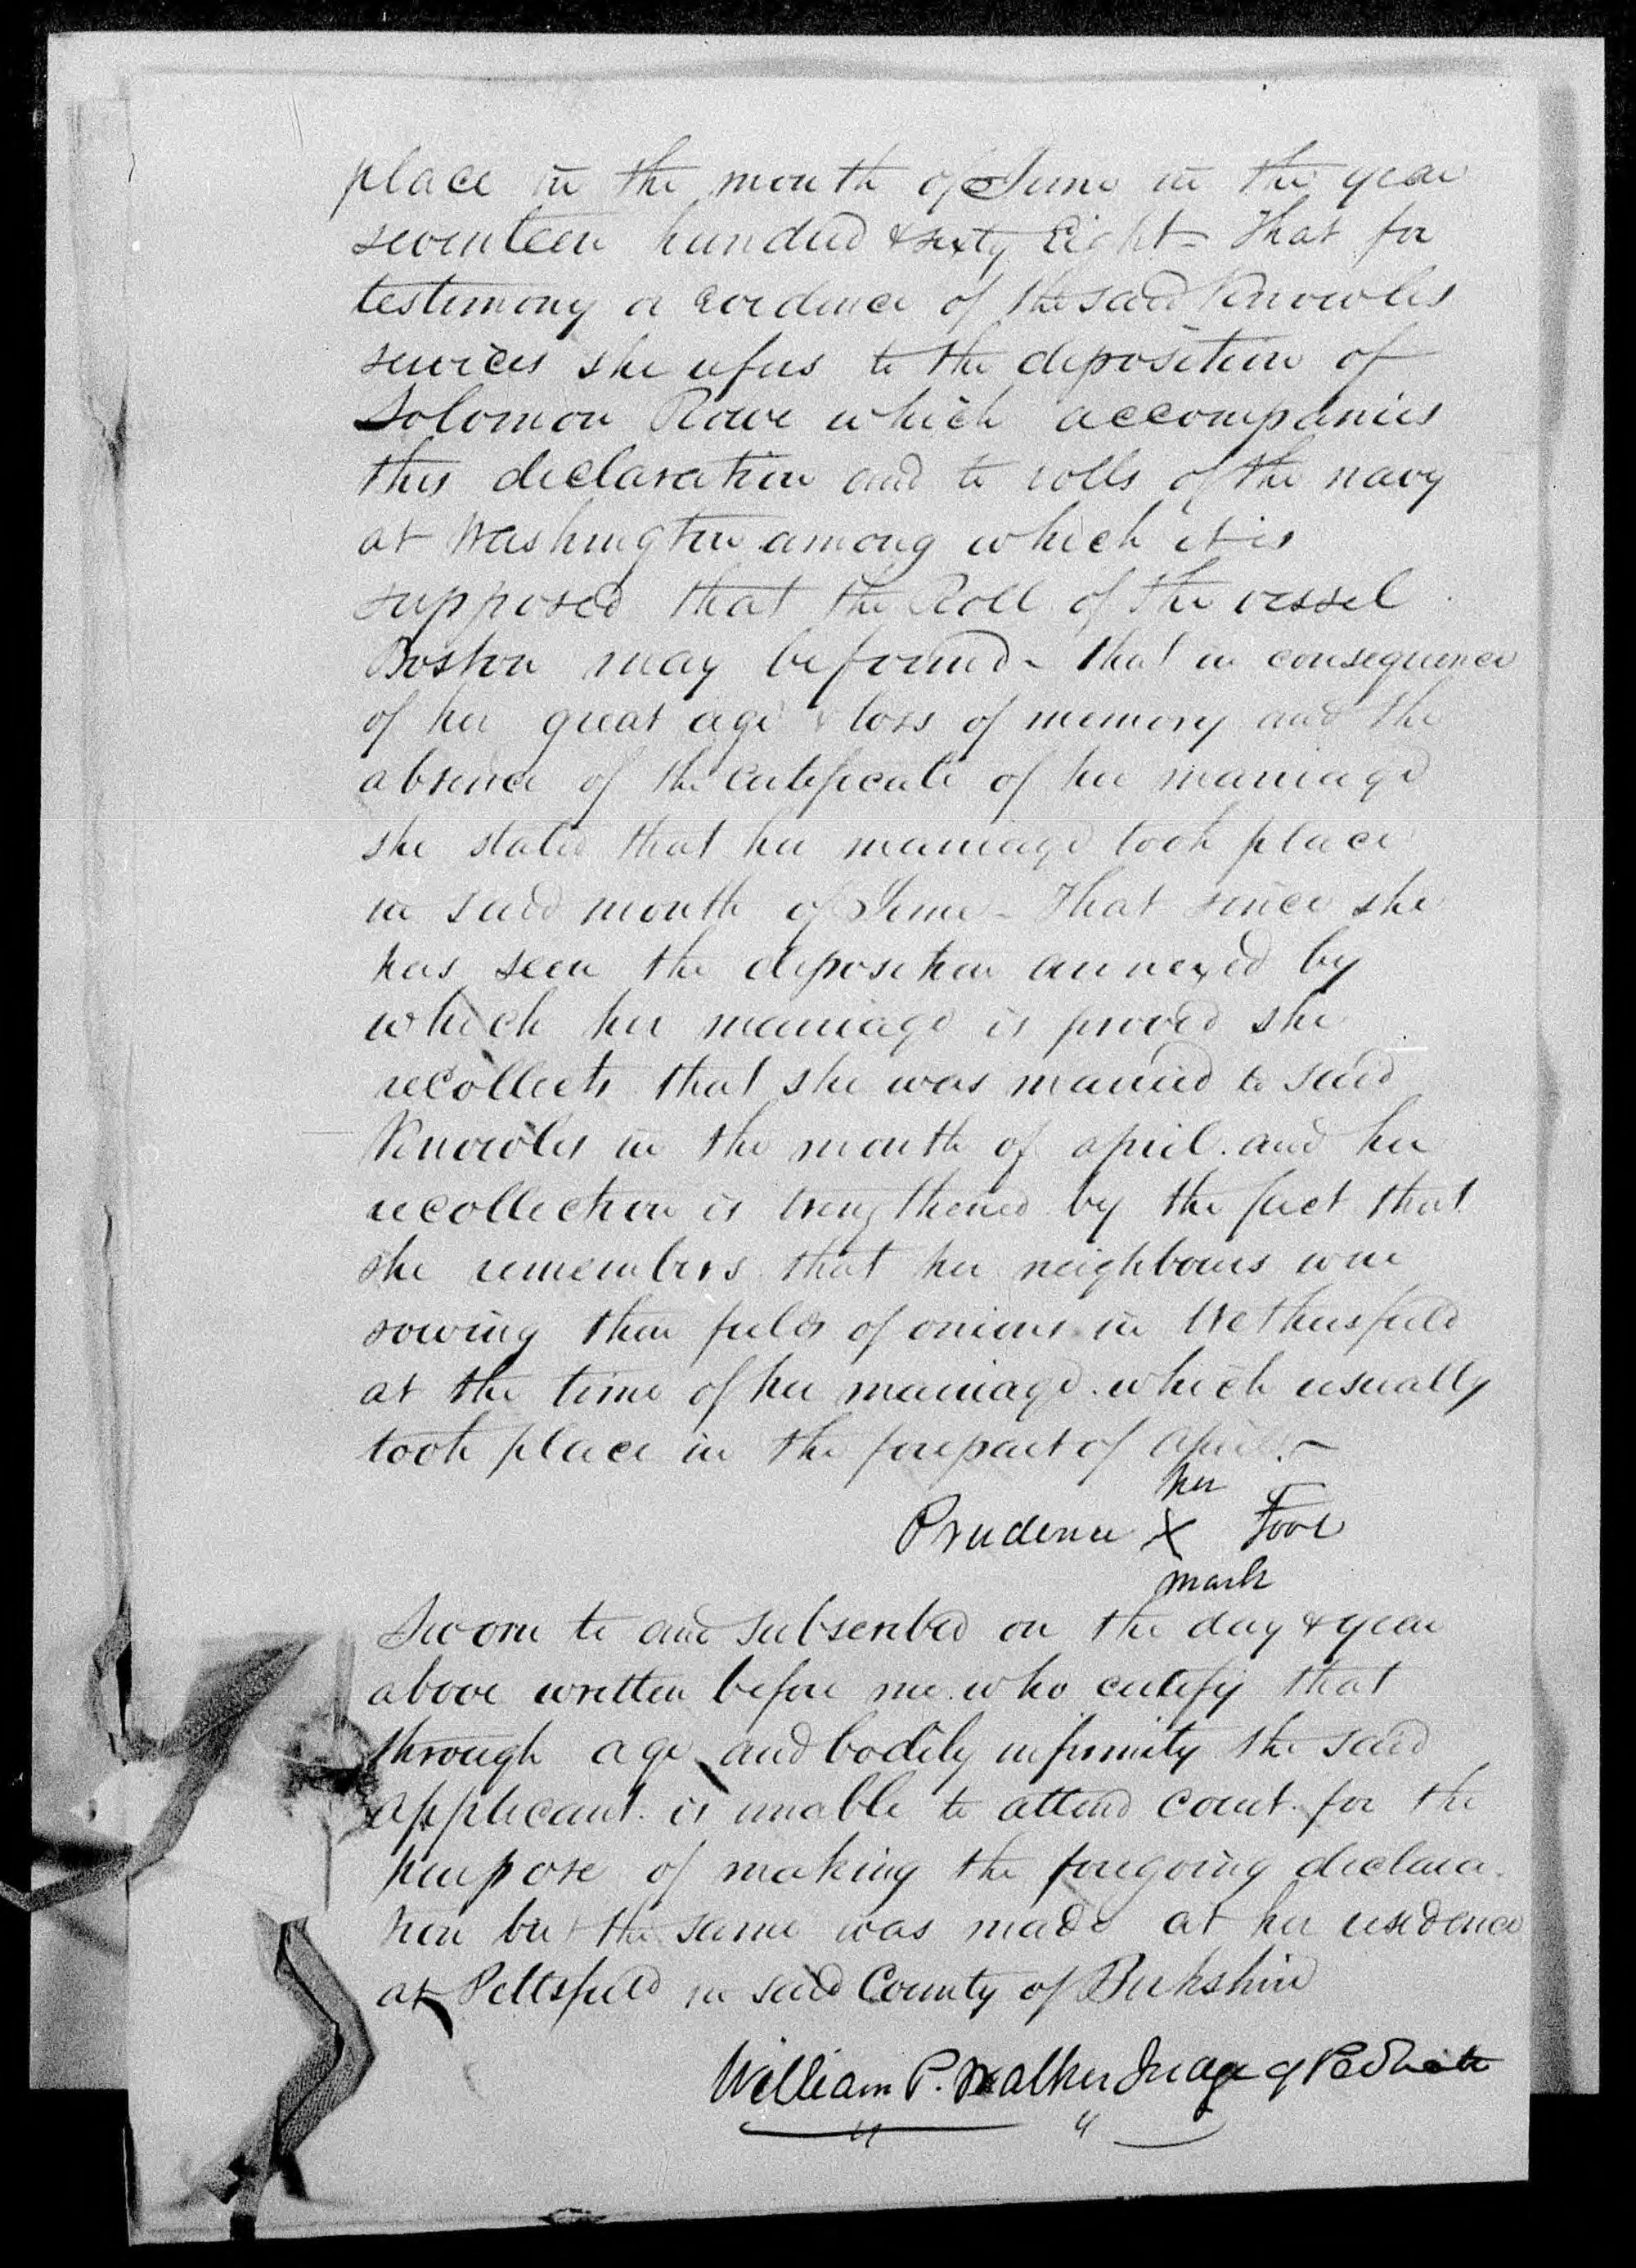place in the month of June in the year seventeen hundred & sixty Eight. That for testimony or evidence of the said Knowles services she refers to the deposition of Solomon Rowe which accompanies this declaration and to rolls of the navy at Washington among which it is supposed that the Roll of the vessel Boston may be found--that in consequence  of her great age & loss of memory and the absence of the certificate of her marriage she stated that her marriage took place in said month of June--That since she has seen the deposition annexed aby which her marriage is proved she recollects that she was married to said Knowles in the month of April and her recollection is strengthened by the fact she remembers that her neighbours were sowing their fields of onions in Wethersfield at the time of her marriage which usually took place in the forepart of April.      Prudence Foot   X  her mark 

Sworn to and subscribed on the day & year above written before me who certify that through age and bodily infirmity the said applicant is unable to attend court for the purpose of making the foregoing declaration but the same was made at her residence at Pittsfield in said County of Berkshire
William P. Walker  Judge of Probate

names: William P Walker; Solomon Rowe; Prudence Foot; [BLANK] Knowles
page: 10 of 60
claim: widow's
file: W. 14,036, for James Knowles, Connecticut